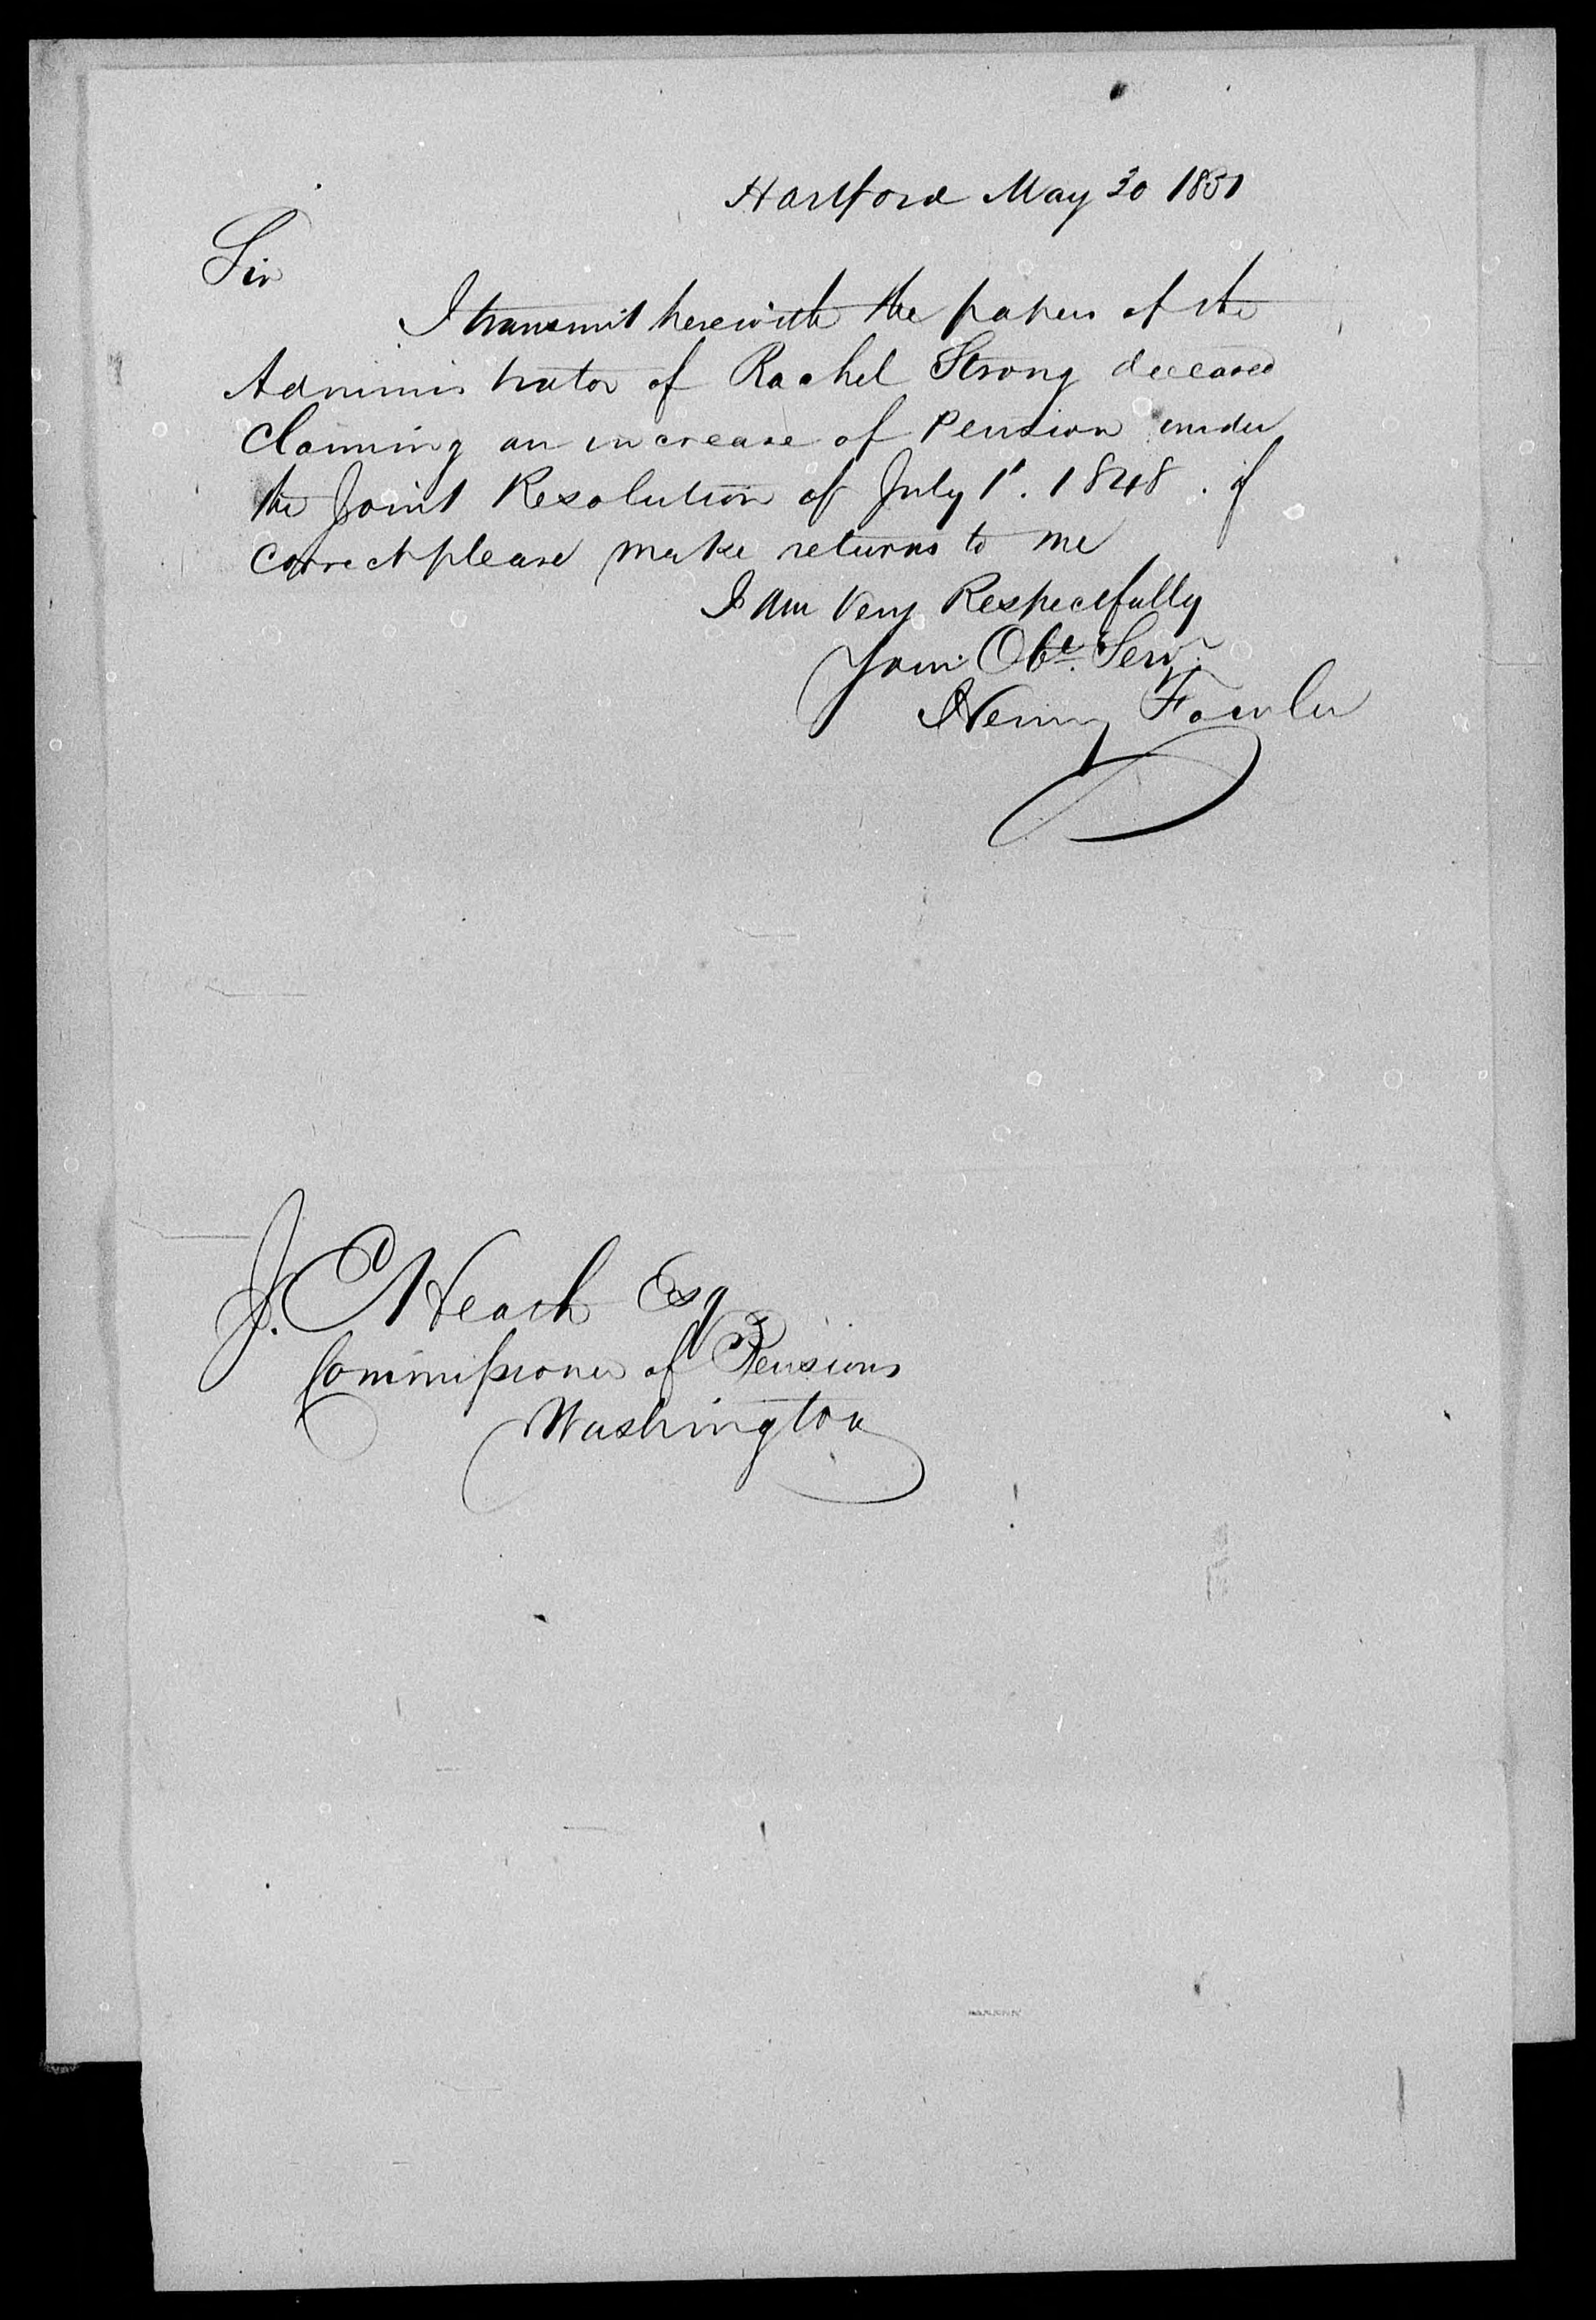Hartford May 30 1851

Sir

I transmit herewith the papers of the Administrator of Rachel Strong deceased claiming an increase of Pension under the Joint Resolution of July 1. 1848. if correct please make returns to me

I am very Respectfully
Your Obt. Servt

Henry Fowler

J. E. Heath Esq
Commissioner of Pensions
Washington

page: 37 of 47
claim: widow's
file: W. 17879, for Seth Strong, Connecticut